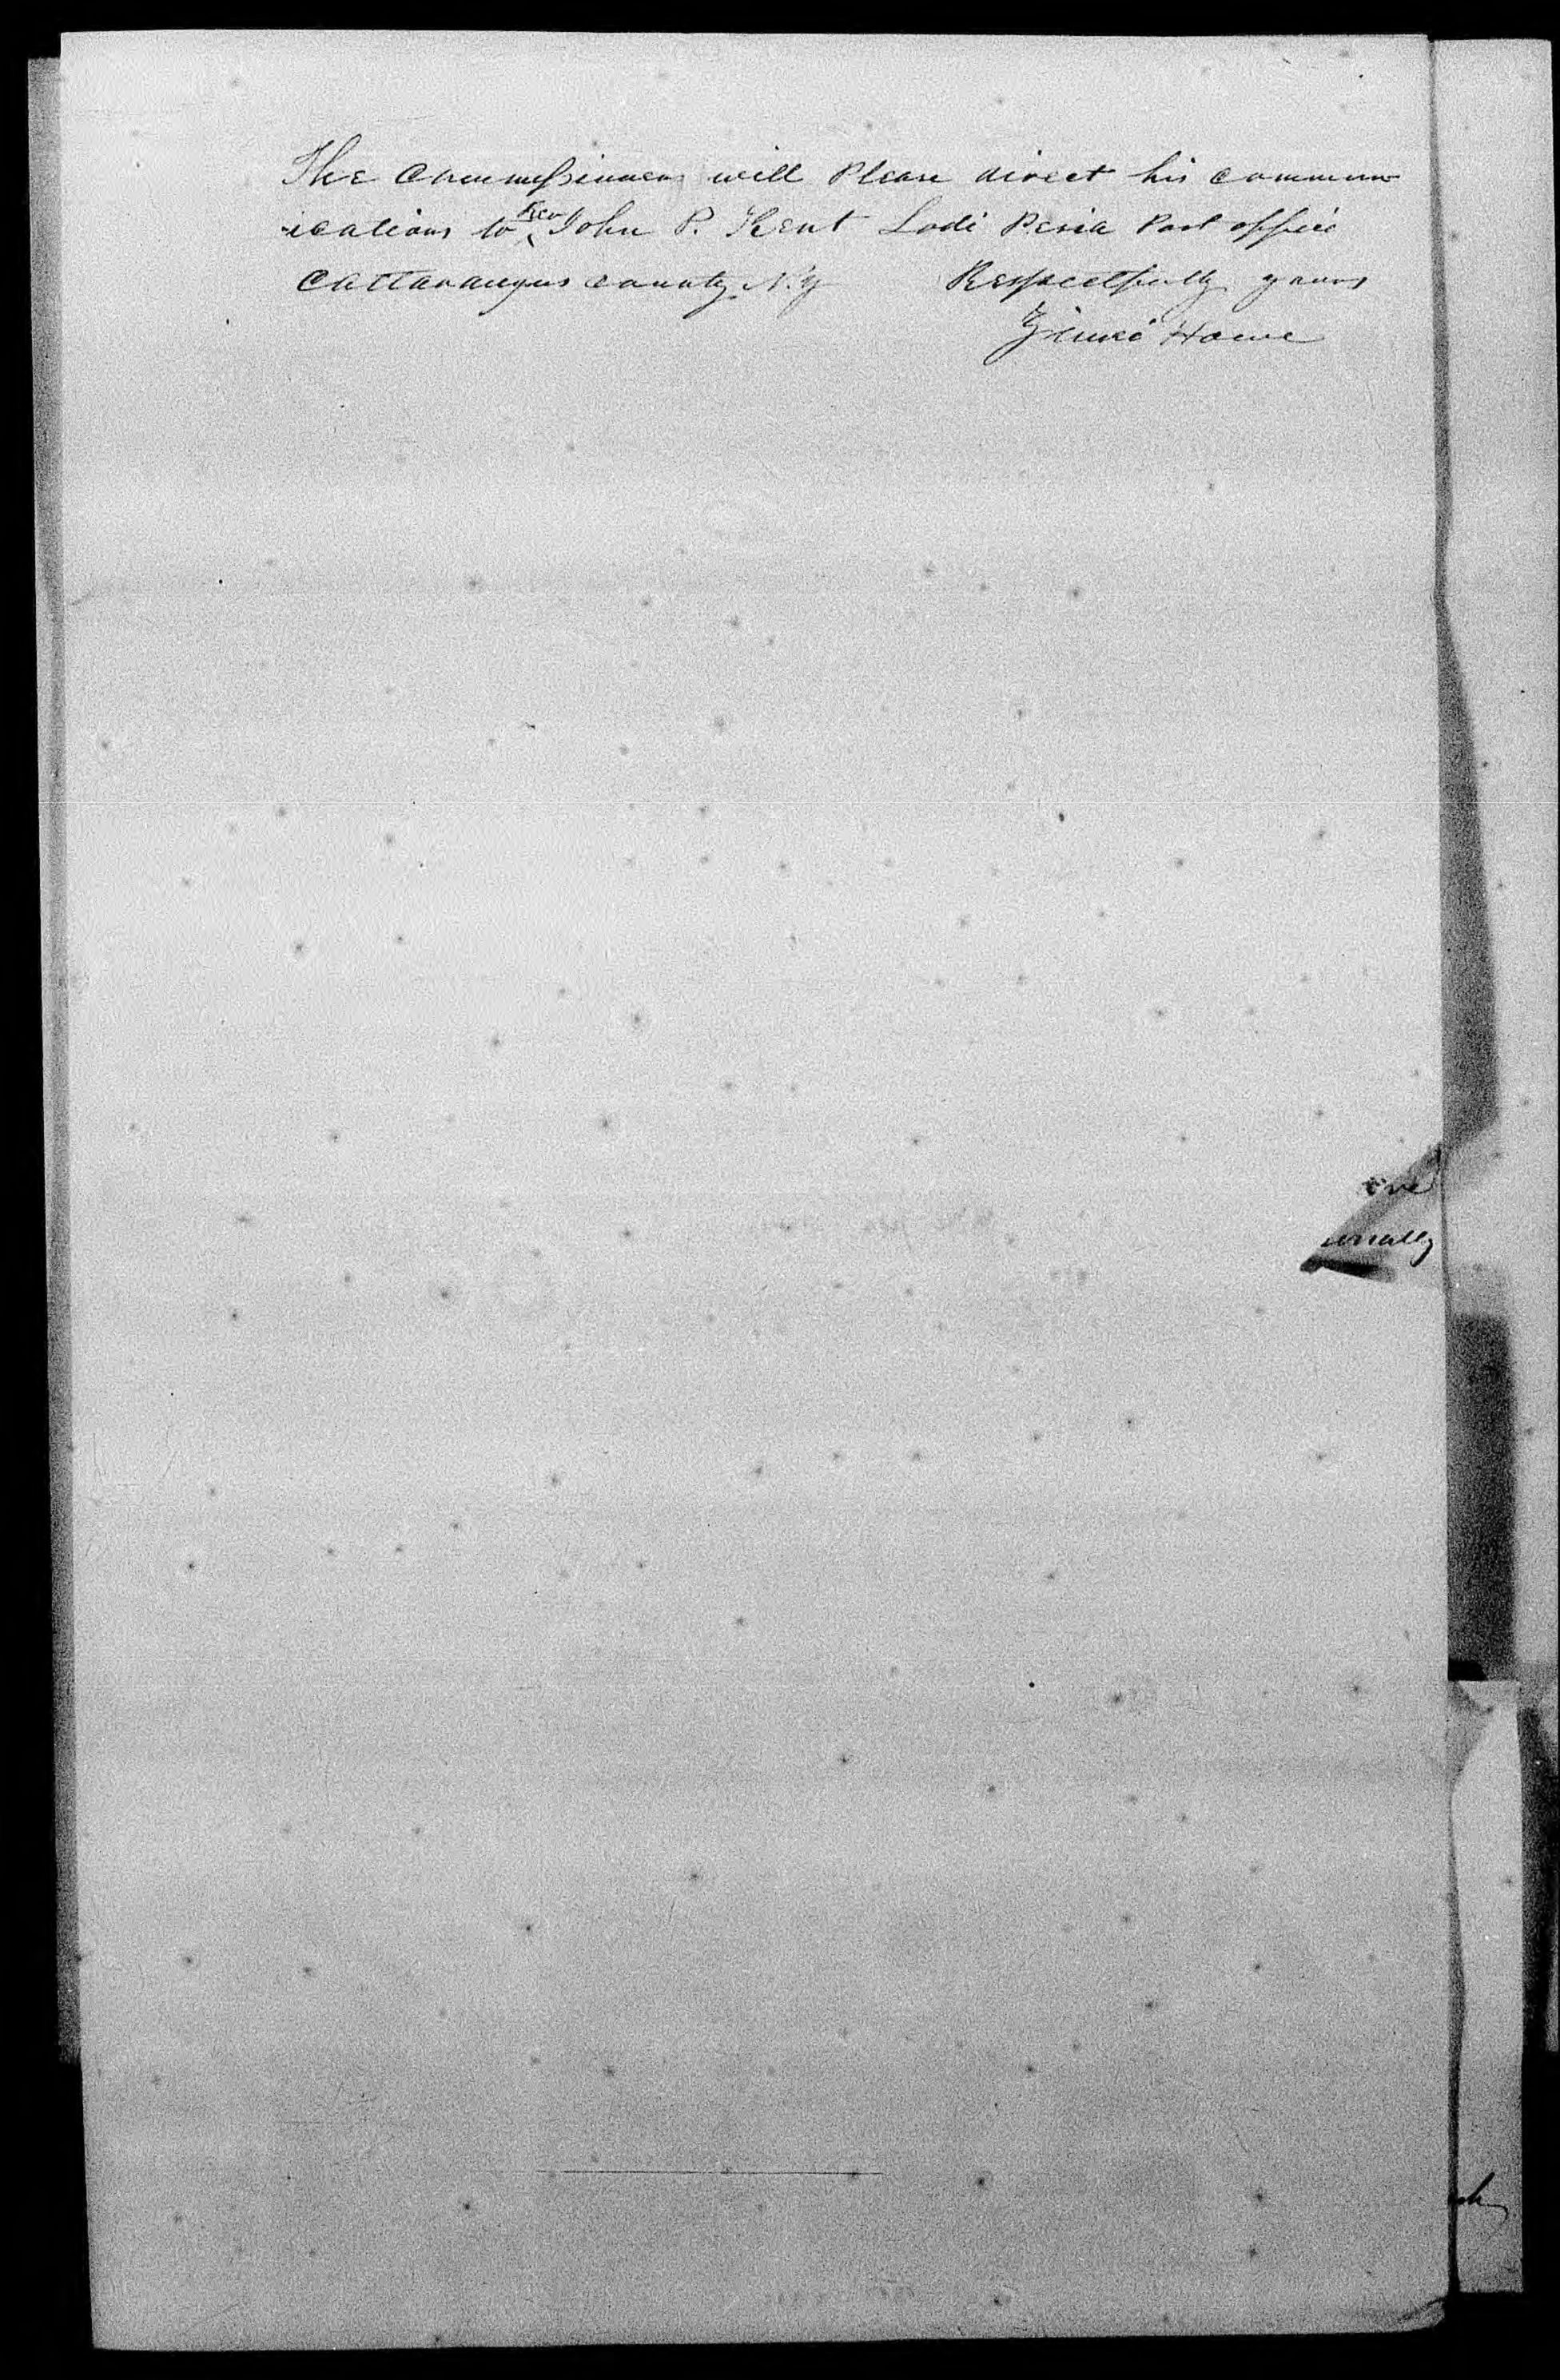The commifsioner will please direct his communication to Rev John P. Kent Lodi Peria Post office Cattaraugus County N. Y. Respectfully yours
Zinni Howe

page: 46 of 50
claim: widow's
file: W. 4253, for John Kent, Vermont